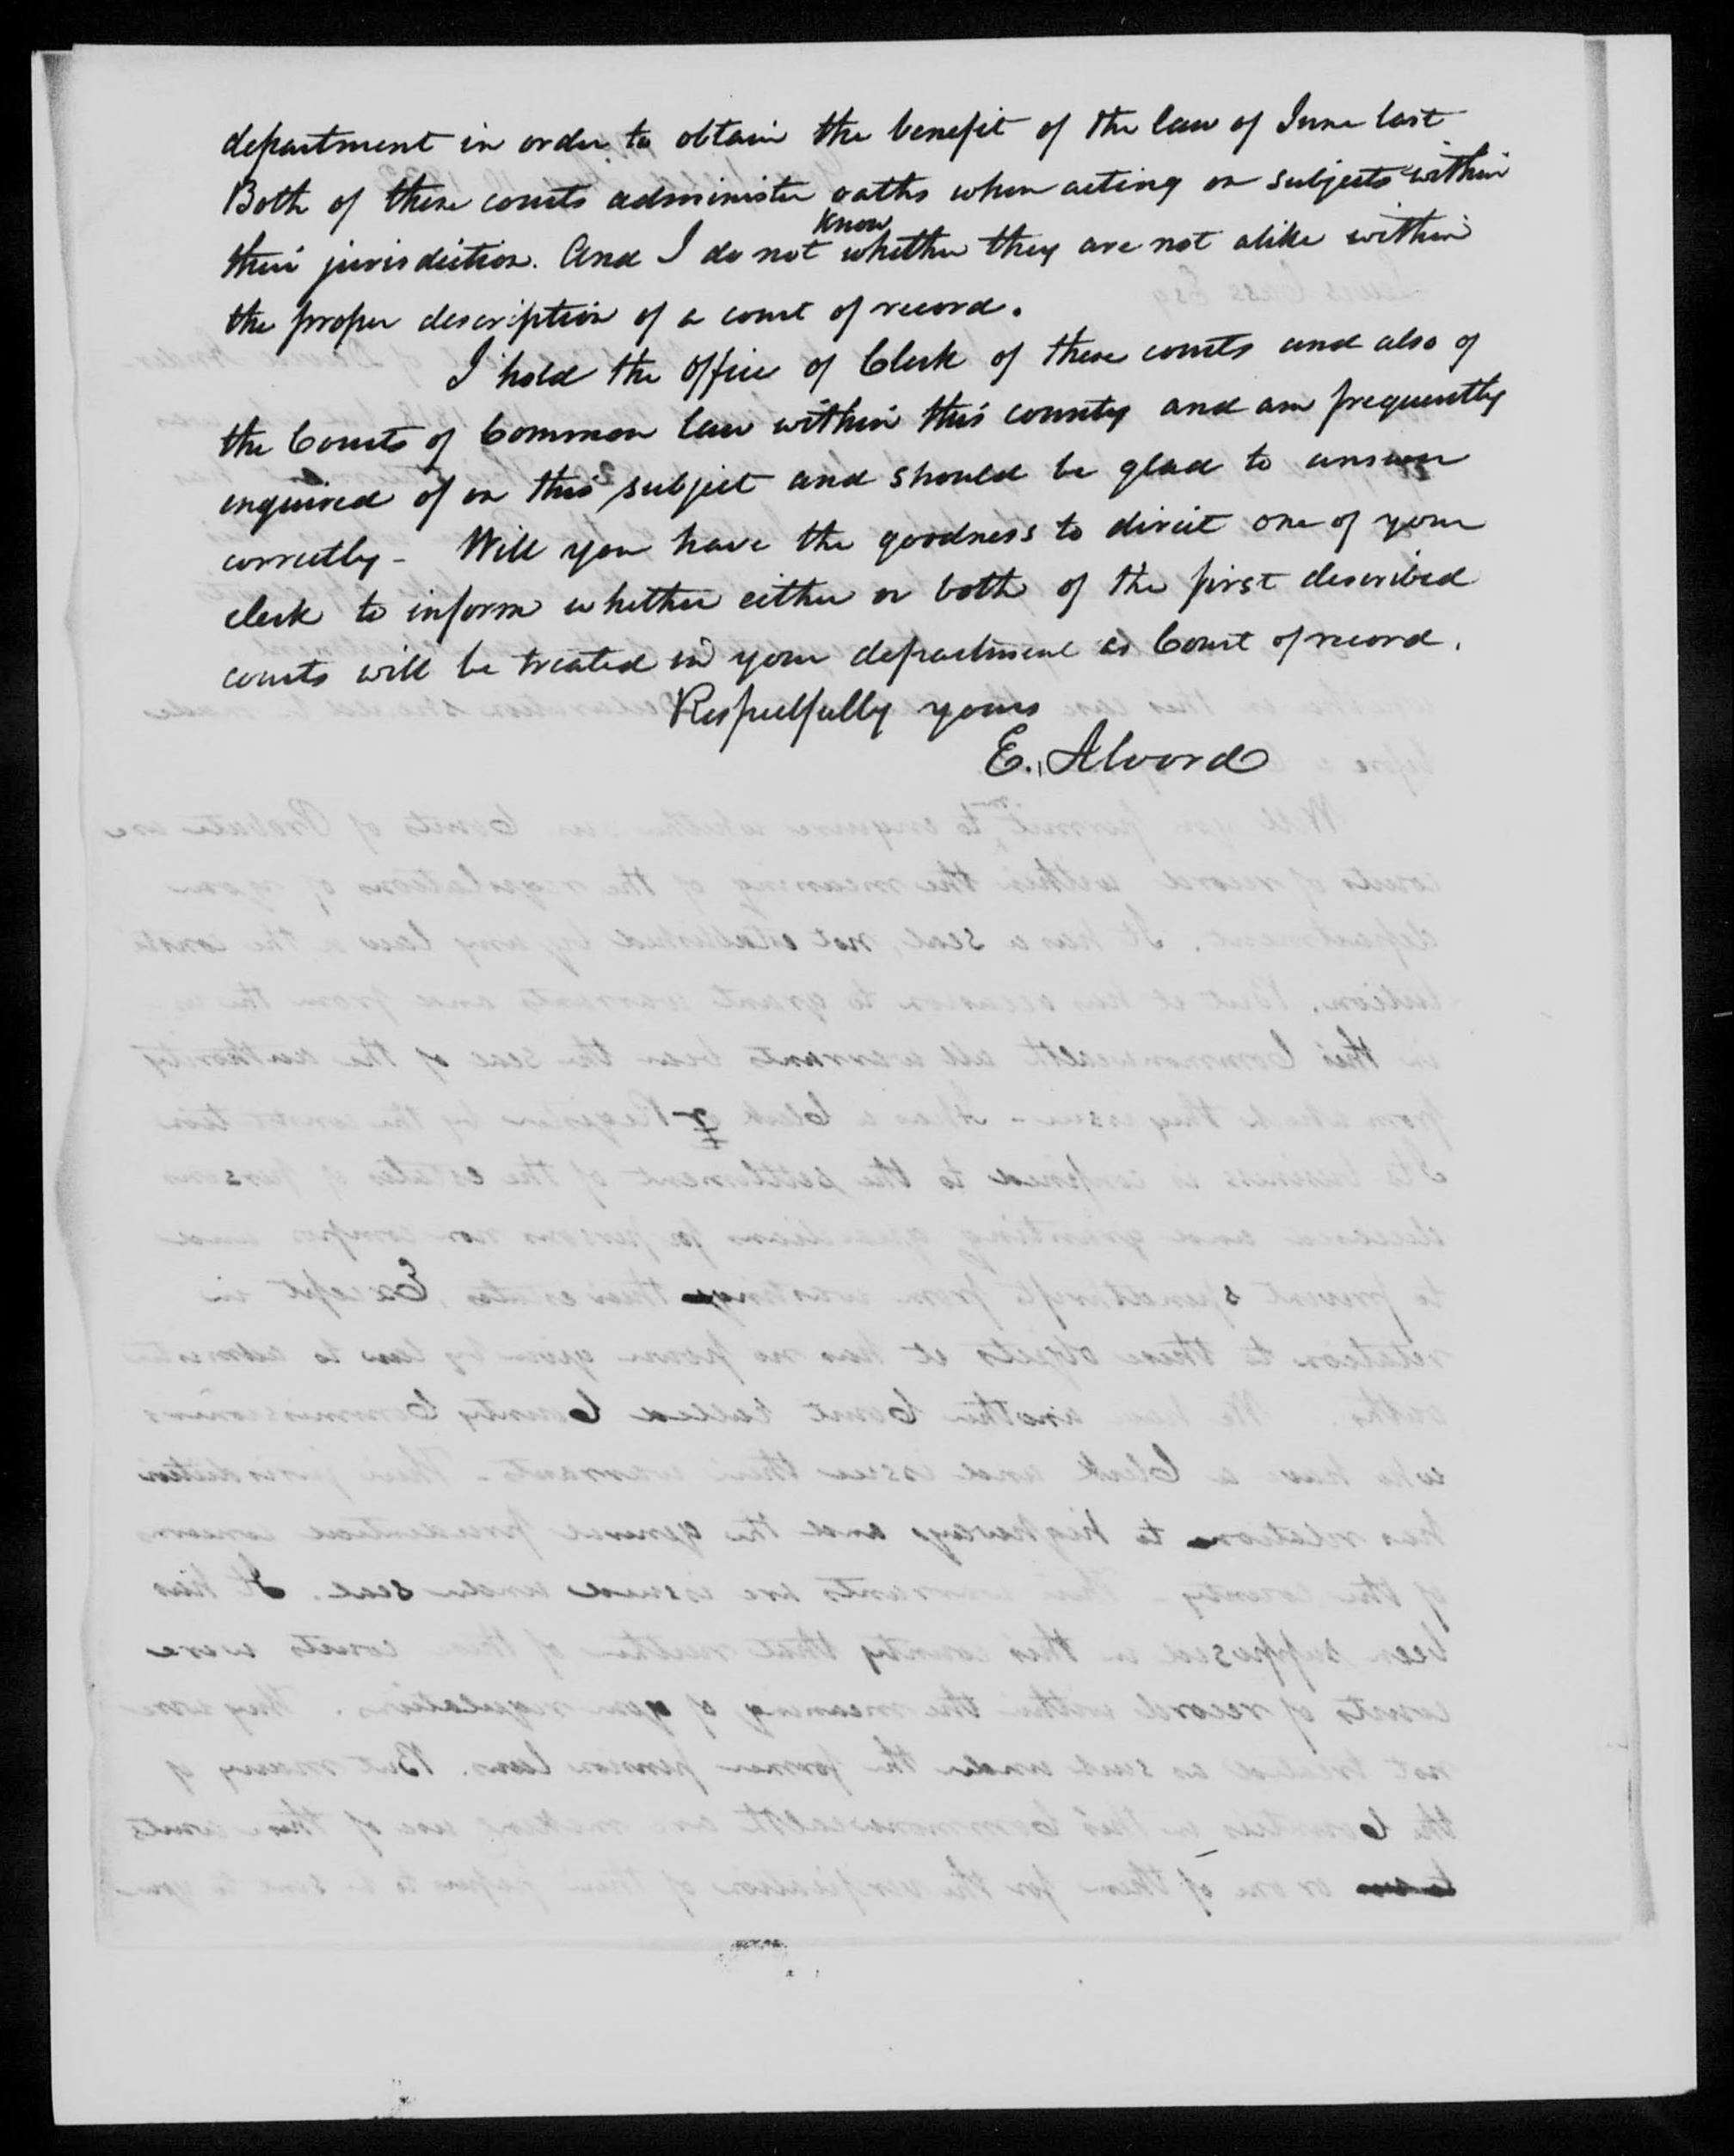department in order to obtain the benefit of the law of June last
Both of these county administer oaths when acting or subjects within
their jurisdiction. And I do not know whether they are not alike within
the proper description of a court of record.
I hold the office of Clerk of these courts and also of
the Courts of Common law within this county and am frequently
inquired of on this subject and should be glad to answer
correctly. Will you have the goodness to direct one of your
Clerk to inform whether either or both of the first described
Courts will be treated in your department as Court of record.
Respectfully yours
E. Alvord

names: E Alvord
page: 35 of 39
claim: widow's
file: W. 20624, David Anderson, Mass